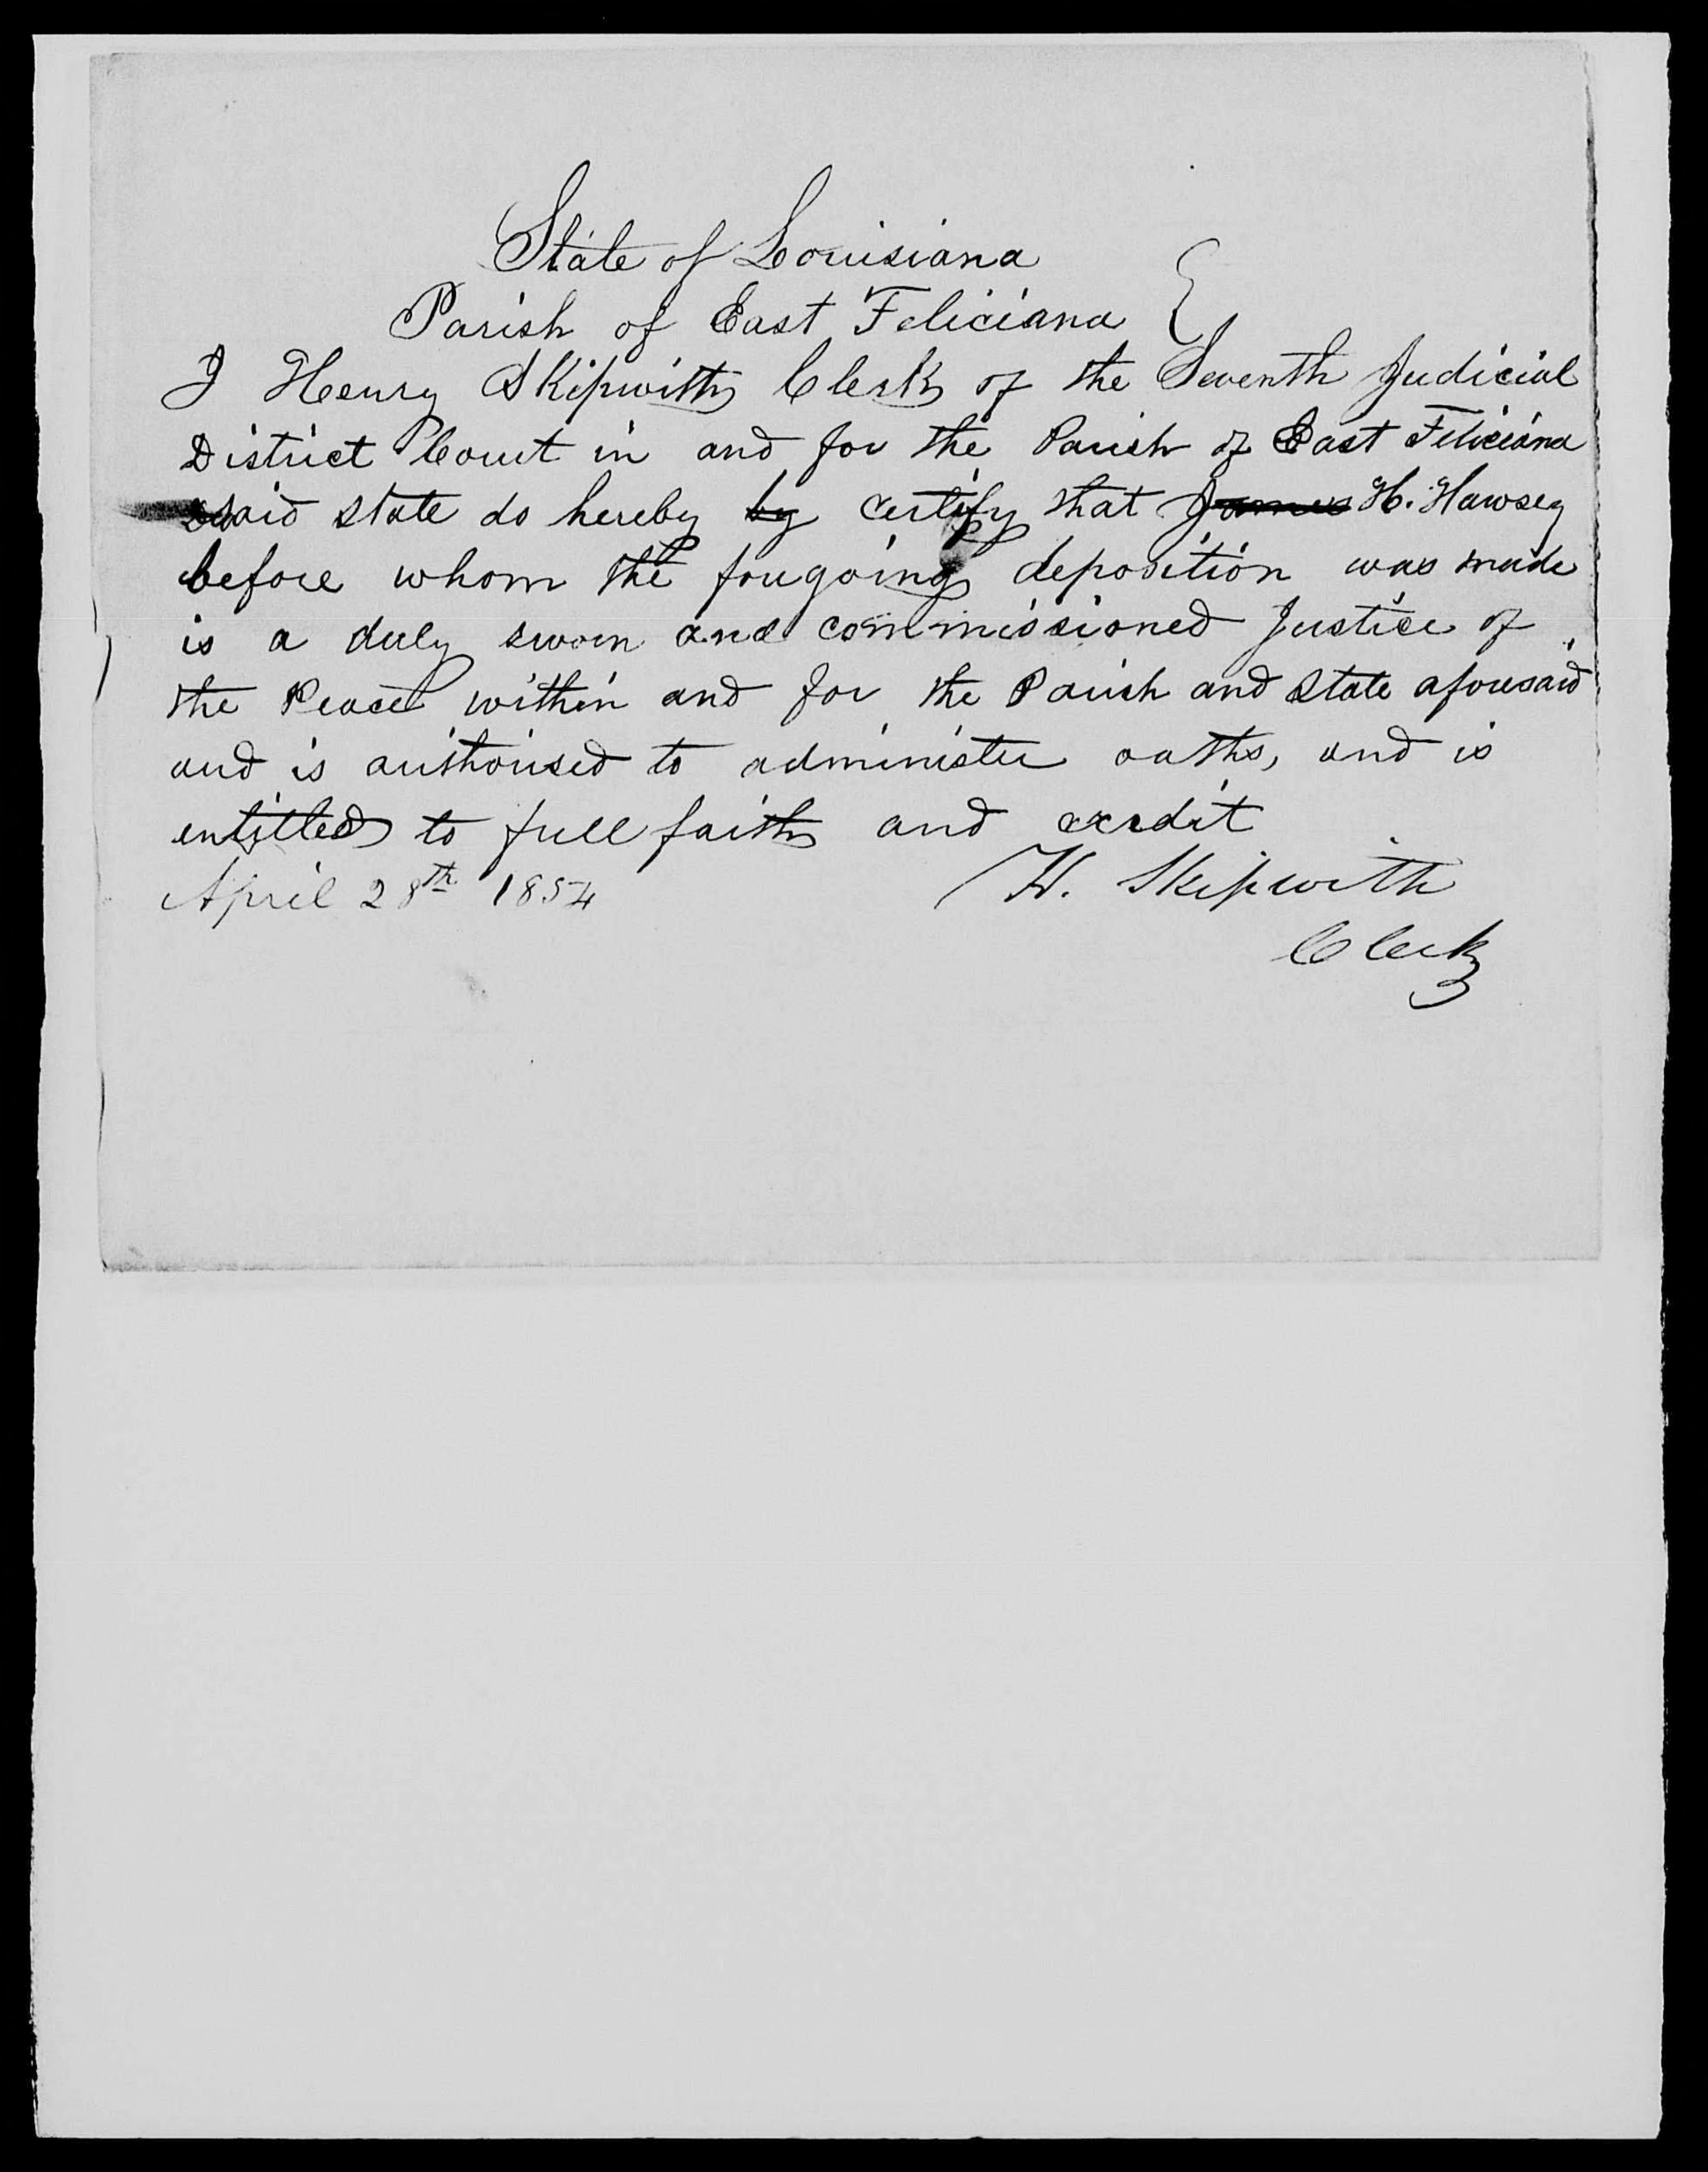State of Louisiana.        }
Parish of East Feliciana}
I Henry Skipwith Clerk of the Seventh Judicial
District Court in and for the Parish of East Feliciana
said State do hereby by certify that James H. Halsey
before whom the foregoing deposition was made
is a duly sworn and commissioned Justice of
the Peace within and for the Parish and State aforesaid
and is authorized to administer oaths, and is
entitled to full faith and credit
April 28th 1854
H. Skipwith
Clerk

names: Henry Skipwith, J H Hawsey, H Skipwith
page: 45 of 48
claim: rejected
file: R. 2173, James P Collins, S. C.